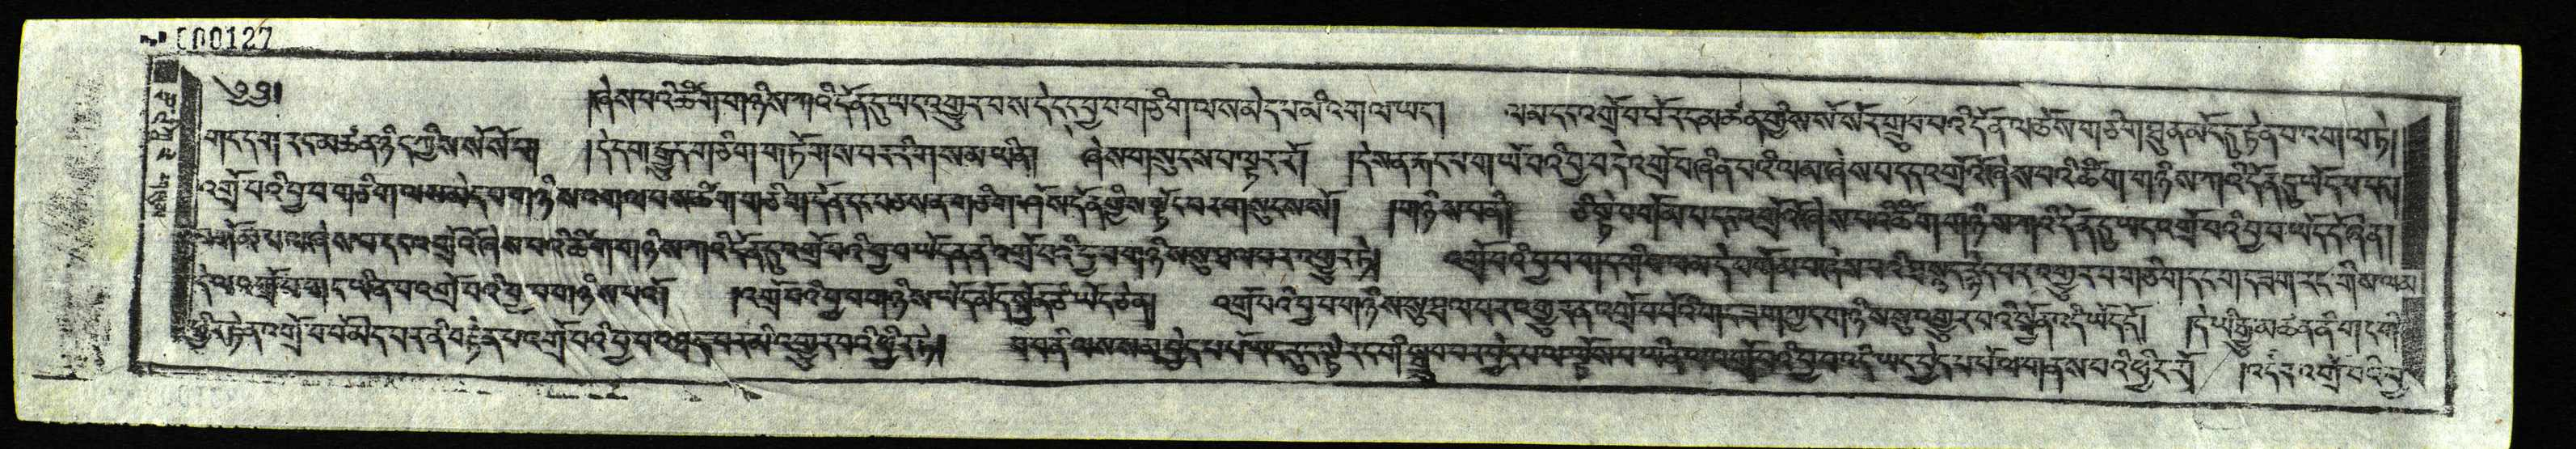༄༅། །ཞེས་པའི་ཚིག་གཉིས་ཀའི་དོན་དུ་ཡང་འགྱུར་བས་དེ་དང་བྱ་བ་གཅིག་ལས་མེད་པ་མི་འགལ་ཡང་། ལམ་དང་འགྲོ་བ་པོ་རང་མཚན་གྱིས་སོ་སོར་གྲུབ་པའི་དོན་ལ་ཆོས་གཅིག་ཐུན་མོང་དུ་རྟེན་པ་འགལ་ཏེ།
གང་དག་རང་མཚན་ཉིད་ཀྱིས་སོ་སོ་བ། །དེ་དག་རྒྱུད་གཅིག་གཏོགས་པར་རིགས་མ་ཡིན། ཞེས་གསུངས་པ་ལྟར་རོ། །དེས་ན་རྐང་པ་གཡོ་བའི་བྱ་བ་དེ་འགྲོ་བཞིན་པའི་ལམ་ཞེས་པ་དང་འགྲོའོ་ཞེས་པའི་ཚིག་གཉིས་ཀའི་དོན་དུ་ཡོད་པ་དང་།
འགྲོ་པའི་བྱ་བ་གཅིག་ལས་མེད་པ་གཉིས་འགལ་བས་ཚིག་གཅིག་དོན་དང་བཅས་ན་གཅིག་ཤོས་དོན་གྱིས་སྟོང་པར་གསུངས་སོ། །གཉིས་པ་ནི། ཅི་སྟེ་བགོམ་པ་དང་འགྲོའོ་ཞེས་པའི་ཚིག་གཉིས་ཀའི་དོན་དུ་ཡང་འགྲོ་བའི་བྱ་བ་ཡོད་དོ་ཞེ་ན།
བགོམ་པ་ལ་ཞེས་པ་དང་འགྲོའོ་ཞེས་པའི་ཚིག་གཉིས་ཀའི་དོན་དུ་འགྲོ་བའི་བྱ་བ་ཡོད་ན་ནི་འགྲོ་བའི་བྱ་བ་གཉིས་སུ་ཐལ་བར་འགྱུར་ཏེ། འགྲོ་བའི་བྱ་བ་གང་གིས་ལམ་དེ་བགོམ་པ་ཞེས་པའི་ཐ་སྙད་རྙེད་པར་འགྱུར་བ་གཅིག་དང་གང་ཟག་རང་གིས་ལམ་
དེ་ལ་འགྲོ་བ་གང་ཡིན་པ་འགྲོ་བའི་བྱ་བ་གཉིས་པའོ། །འགྲོ་བའི་བྱ་བ་གཉིས་ཡོད་མོད་སྐྱོན་ཅི་ཡོད་ཅེ་ན། འགྲོ་བའི་བྱ་བ་གཉིས་སུ་ཐལ་བར་འགྱུར་ན་འགྲོ་བ་པོའི་གང་ཟག་ཀྱང་གཉིས་སུ་འགྱུར་བའི་སྐྱོན་འདི་ཡོད་དོ། །དེ་ཡི་རྒྱུ་མཚན་ནི་གང་གི་
ཕྱིར་རྟེན་འགྲོ་བ་པོ་མེད་པར་ནི་བརྟེན་པ་འགྲོ་བའི་བྱ་བ་འཐད་པར་མི་འགྱུར་བའི་ཕྱིར་ཏེ། བབ་ནི་ལས་སམ་བྱེད་པ་པོ་ཡང་རུང་སྟེ་རང་གི་སྒྲུབ་པར་བྱེད་པ་ལ་ལྟོས་པ་ཡིན་ལ་འགྲོ་བའི་བྱ་བ་འདི་ཡང་བྱེད་པ་པོ་ལ་གནས་པའི་ཕྱིར་རོ། །འདིར་འགྲོ་བའི་བྱ་